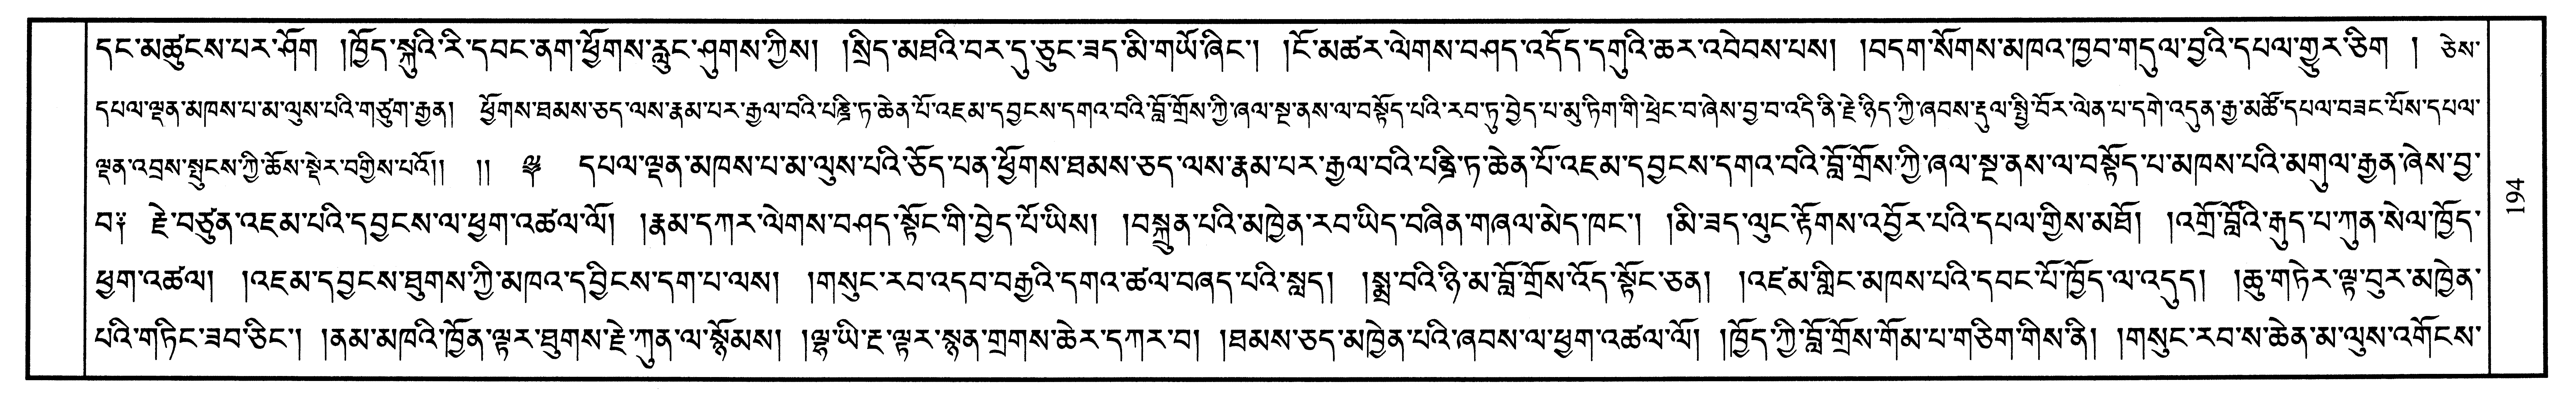དང་མཚུངས་པར་ཤོག །ཁྱོད་སྐུའི་རི་དབང་ནག་ཕྱོགས་རླུང་ཤུགས་ཀྱིས། །སྲིད་མཐའི་བར་དུ་ཅུང་ཟད་མི་གཡོ་ཞིང་། །ངོ་མཚར་ལེགས་བཤད་འདོད་དགུའི་ཆར་འབེབས་པས། །བདག་སོགས་མཁའ་ཁྱབ་གདུལ་བྱའི་དཔལ་གྱུར་ཅིག །ཅེས་
དཔལ་ལྡན་མཁས་པ་མ་ལུས་པའི་གཙུག་རྒྱན། ཕྱོགས་ཐམས་ཅད་ལས་རྣམ་པར་རྒྱལ་བའི་པཎྜི་ཏ་ཆེན་པོ་འཇམ་དབྱངས་དགའ་བའི་བློ་གྲོས་ཀྱི་ཞལ་སྔ་ནས་ལ་བསྟོད་པའི་རབ་ཏུ་བྱེད་པ་མུ་ཏིག་གི་ཕྲེང་བ་ཞེས་བྱ་བ་འདི་ནི་རྗེ་ཉིད་ཀྱི་ཞབས་རྡུལ་སྤྱི་བོར་ལེན་པ་དགེ་འདུན་རྒྱ་མཚོ་དཔལ་བཟང་པོས་དཔལ་
ལྡན་འབྲས་སྤུངས་ཀྱི་ཆོས་སྡེར་བགྱིས་པའོ།། །།༈ དཔལ་ལྡན་མཁས་པ་མ་ལུས་པའི་ཅོད་པན་ཕྱོགས་ཐམས་ཅད་ལས་རྣམ་པར་རྒྱལ་བའི་པཎྚི་ཏ་ཆེན་པོ་འཇམ་དབྱངས་དགའ་བའི་བློ་གྲོས་ཀྱི་ཞལ་སྔ་ནས་ལ་བསྟོད་པ་མཁས་པའི་མགུལ་རྒྱན་ཞེས་བྱ་
བ༑ རྗེ་བཙུན་འཇམ་པའི་དབྱངས་ལ་ཕྱག་འཚལ་ལོ། །རྣམ་དཀར་ལེགས་བཤད་སྟོང་གི་བྱེད་པོ་ཡིས། །བསྐྲུན་པའི་མཁྱེན་རབ་ཡིད་བཞིན་གཞལ་མེད་ཁང་། །མི་ཟད་ལུང་རྟོགས་འབྱོར་བའི་དཔལ་གྱིས་མཐོ། །འགྲོ་བློའི་རྒུད་པ་ཀུན་སེལ་ཁྱོད་
ཕྱག་འཚལ། །འཇམ་དབྱངས་ཐུགས་ཀྱི་མཁའ་དབྱིངས་དག་པ་ལས། །གསུང་རབ་འདབ་བརྒྱའི་དགའ་ཚལ་བཞད་པའི་སླད། །སྨྲ་བའི་ཉི་མ་བློ་གྲོས་འོད་སྟོང་ཅན། །འཛམ་གླིང་མཁས་པའི་དབང་པོ་ཁྱོད་ལ་འདུད། །ཆུ་གཏེར་ལྟ་བུར་མཁྱེན་
པའི་གཏིང་ཟབ་ཅིང་། །ནམ་མཁའི་ཁྱོན་ལྟར་ཐུགས་རྗེ་ཀུན་ལ་སྙོམས། །ལྷ་ཡི་རྔ་ལྟར་སྙན་གྲགས་ཆེར་དཀར་བ། །ཐམས་ཅད་མཁྱེན་པའི་ཞབས་ལ་ཕྱག་འཚལ་ལོ། །ཁྱོད་ཀྱི་བློ་གྲོས་གོམ་པ་གཅིག་གིས་ནི། །གསུང་རབ་ས་ཆེན་མ་ལུས་འགོངས་